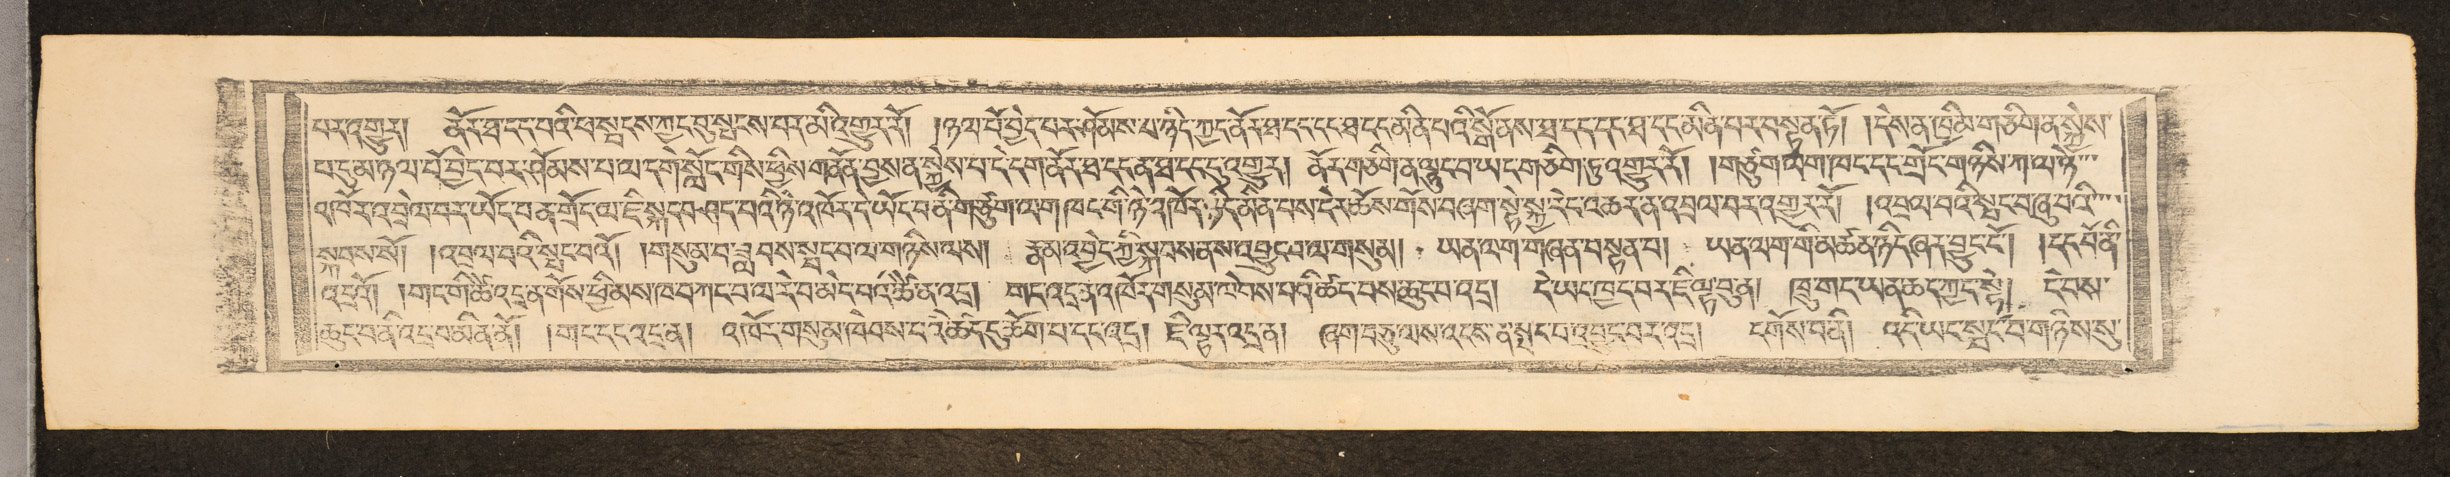པར་འགྱུར། ནོར་ཐ་དད་པའི་ཕ་སྤངས་ཀྱང་བུ་སྤངས་པར་མི་འགྱུར་རོ། །ཉལ་པོ་བྱེད་པར་ཤོམས་པ་ཉིད་ཀྱང་ནོར་ཐ་དད་དང་ཐ་དད་མིན་པའི་སྒོ་ནས་ཐ་དད་དང་ཐ་དད་མིན་པར་བསྟན་ཏོ། །དེས་ན་ཁྱིམ་གཅིག་ན་སྐྱེས་
པ་དུ་མ་ཉལ་པོ་བྱེད་པར་ཤོམས་པ་ལ་དགེ་སློང་གིས་ཕྱིས་གནོན་བྱས་ན་སྐྱེས་པ་དེ་དག་ནོར་ཐ་དད་ན་ཐ་དད་དུ་འགྱུར། ནོར་གཅིག་ན་ལྟུང་བ་ཡང་གཅིག་ཏུ་འགྱུར་རོ། །གཙུག་ལག་ཁང་དང་གྲོང་གཉིས་ཀ་ལ་ཉེ་
འཁོར་འབྲེལ་བར་ཡོད་པ་ན་གྲོང་ལ་ཇི་སྐད་བཤད་པའི་ཉེ་འཁོར་དེ་ཡོད་པ་ནི་གཙུག་ལག་ཁང་གི་ཉེ་འཁོར་ཉིད་མིན་པས་དེར་ཆོས་གོས་བཞག་སྟེ་སྐྱ་རེད་འཆར་ན་འབྲལ་བར་འགྱུར་རོ། །འབྲལ་བའི་སྤང་བཞུ་བའི་
སྐབས་སོ། །འབྲལ་བའི་སྤང་བའོ། །གསུམ་པ་ཟླ་བས་སྤང་བ་ལ་གཉིས་ལས། རྣམ་འབྱེད་ཀྱི་སྐབས་ནས་འབྱུང་བ་ལ་གསུམ། ཡན་ལག་གཞན་བསྟན་པ། ཡན་ལག་གི་མཚན་ཉིད་ཞན་བྱུང་ངོ། །དང་པོ་ནི་
འདྲའོ། །གང་གི་ཚེ་འདྲན་གོས་ཕྱི་མས་ཁ་བཀད་པ་ལ་རེ་བ་མེད་པའི་ཚེ་ན་འདྲ། གང་འདྲ་ན་འཁོར་གསུམ་ཁེབས་པའི་ཚད་བས་ཆུད་བ་འདྲ། དེ་ཡང་ཁྱད་པར་ཇི་ལྟ་བུ་ན། ཁྲུ་གང་ཡན་ཆད་ཀྱང་སྟེ། དེ་བས་
ཆུང་བ་ནི་འདྲ་བ་མིན་ནོ། །གང་དང་འདྲ་ན། འཁོར་གསུམ་ཁེབས་པའི་ཚད་དུ་ཆོག་པ་དང་འདྲ། ཇི་ལྟར་འདྲ་ན། ཞག་བཅུ་ལས་འདས་ན་སྤང་བ་འབྱུང་བར་འདྲ། དགོས་པ་ནི། འདི་ཡང་སྤང་བ་གཉིས་སུ་